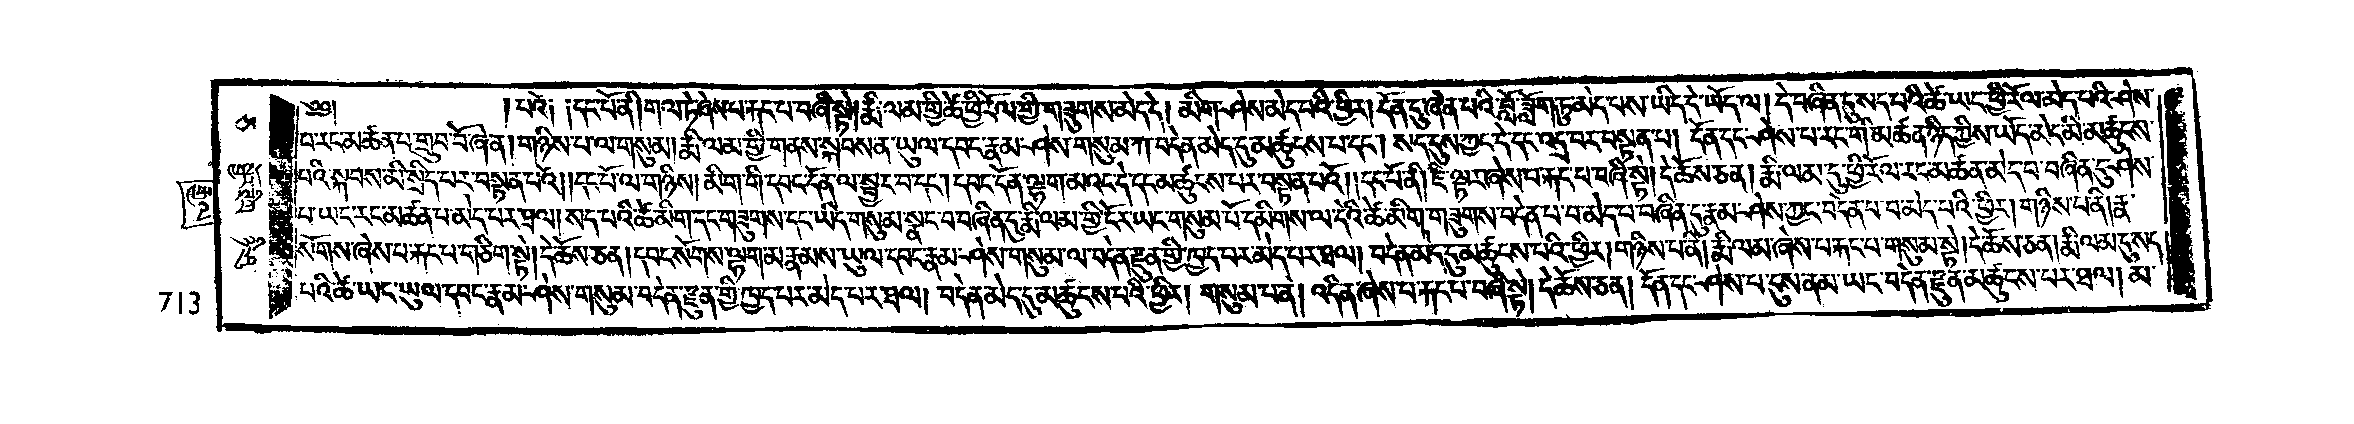༄༅། །པའོ༑ ༑དང་པོ་ནི། གལ་ཏེ་ཞེས་པ་རྐང་པ་བཞི་སྟེ། རྨི་ལམ་གྱི་ཚེ་ཕྱི་རོལ་གྱི་གཟུགས་མེད་དེ། མིག་ཤེས་མེད་པའི་ཕྱིར། དོན་དུ་ཞེན་པའི་བློ་ཟློག་ཏུ་མེད་པས་ཡིད་དེ་ཡོད་ལ། དེ་བཞིན་དུ་སད་པའི་ཚེ་ཡང་ཕྱི་རོལ་མེད་པའི་ཤེས་
པ་རང་མཚན་པ་གྲུབ་བོ་ཞེ་ན། གཉིས་པ་ལ་གསུམ། རྨི་ལམ་གྱི་གནས་སྐབས་ན་ཡུལ་དབང་རྣམ་ཤེས་གསུམ་ཀ་བདེན་མེད་དུ་མཚུངས་པ་དང་། སད་དུས་ཀྱང་དེ་དང་འདྲ་བར་བསྟན་པ། དོན་དང་ཤེས་པ་རང་གི་མཚན་ཉིད་ཀྱིས་ཡོད་མེད་མི་མཚུངས་
པའི་སྐབས་མི་སྲིད་པར་བསྟན་པའོ། །དང་པོ་ལ་གཉིས། མིག་གི་དབང་དོན་ལ་སྦྱར་བ་དང་། དབང་དོན་ལྷག་མའང་དེ་དང་མཚུངས་པར་བསྟན་པའོ། །དང་པོ་ནི། ཇི་ལྟར་ཞེས་པ་རྐང་པ་བཞི་སྟེ། དེ་ཆོས་ཅན། རྨི་ལམ་དུ་ཕྱི་རོལ་རང་མཚན་མེད་པ་བཞིན་དུ་ཤེས་
པ་ཡང་རང་མཚན་པ་མེད་པར་ཐལ། སད་པའི་ཚེ་མིག་དང་གཟུགས་དང་ཡིད་གསུམ་སྣང་བ་བཞིན་དུ་རྨི་ལམ་གྱི་ངོར་ཡང་གསུམ་པོ་དམིགས་ལ་དེའི་ཚེ་མིག་གཟུགས་བདེན་པ་བ་མེད་པ་བཞིན་དུ་རྣམ་ཤེས་ཀྱང་བདེན་པ་བ་མེད་པའི་ཕྱིར། གཉིས་པ་ནི། རྣ་
སོགས་ཞེས་པ་རྐང་པ་གཅིག་སྟེ། དེ་ཆོས་ཅན། དབང་སོགས་ལྷག་མ་རྣམས་ཡུལ་དབང་རྣམ་ཤེས་གསུམ་ལ་བདེན་རྫུན་གྱི་ཁྱད་པར་མེད་པར་ཐལ། བདེན་མེད་དུ་མཚུངས་པའི་ཕྱིར། གཉིས་པ་ནི། རྨི་ལམ་ཞེས་པ་རྐང་པ་གསུམ་སྟེ། དེ་ཆོས་ཅན། རྨི་ལམ་དུ་སད་
པའི་ཚེ་ཡང་ཡུལ་དབང་རྣམ་ཤེས་གསུམ་བདེན་རྫུན་གྱི་ཁྱད་པར་མེད་པར་ཐལ། བདེན་མེད་དུ་མཚུངས་པའི་ཕྱིར། གསུམ་པ་ནི། འདི་ན་ཞེས་པ་རྐང་པ་བཞི་སྟེ། དེ་ཆོས་ཅན། དོན་དང་ཤེས་པ་དུས་ནམ་ཡང་བདེན་རྫུན་མཚུངས་པར་ཐལ། མ་